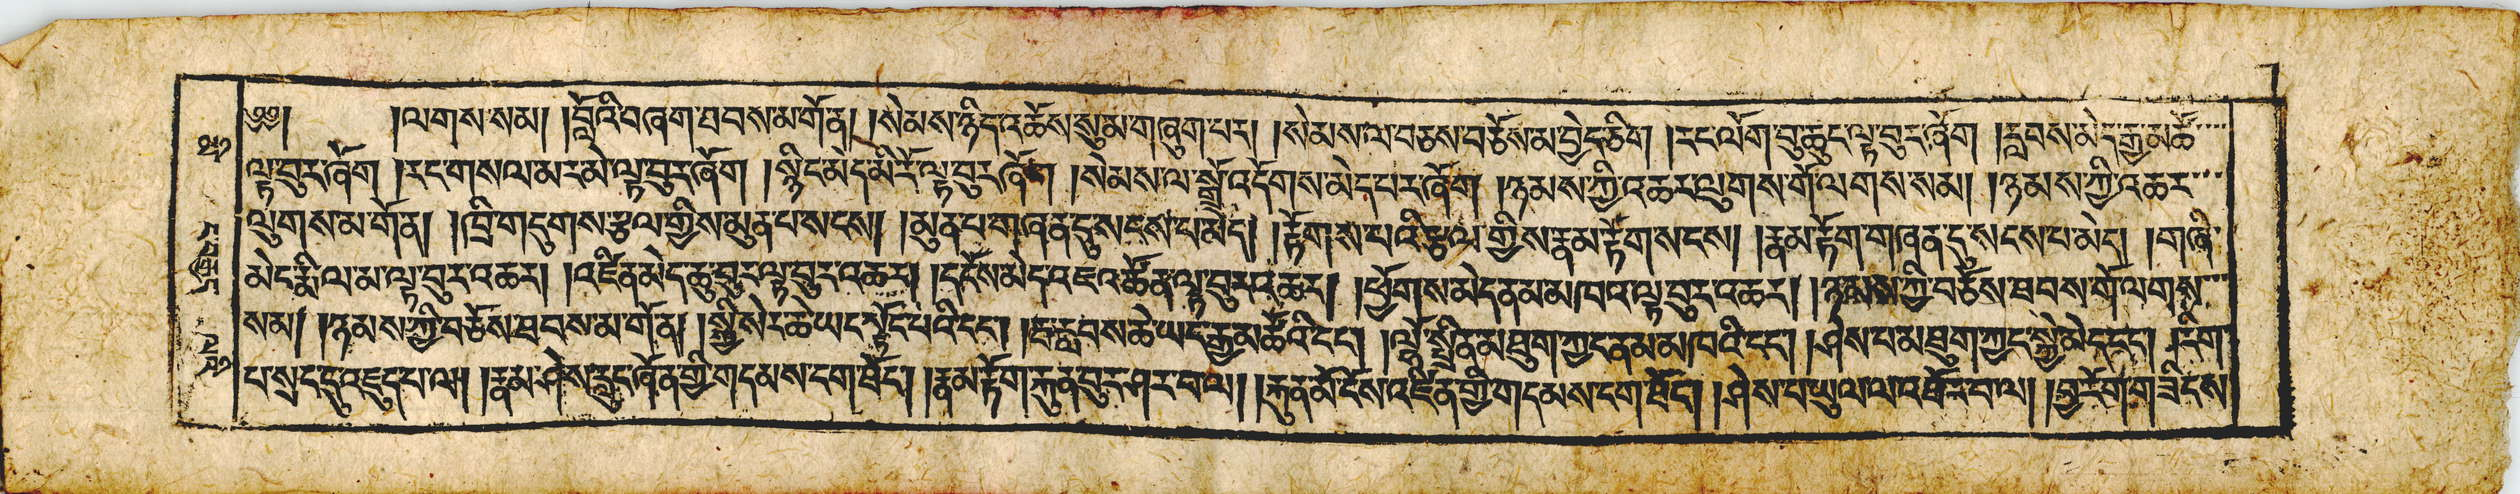ལགས་སམ། །བློའི་བཞག་ཐབས་མ་གོ་ན། །སེམས་ཉིད་འཆོས་སུ་མ་གཞུག་པར། །སེམས་ལ་བཅས་བཅོས་མ་བྱེད་ཅིག །རང་ལོག་བུ་ཆུང་ལྟ་བུར་ཞིག །རླབས་མེད་རྒྱ་མཚོ་
ལྟ་བུར་ཞོག །རང་གསལ་མར་མེ་ལྟ་བུར་ཞོག །སྙིང་མེད་མི་རོ་ལྟ་བུར་ཞོག །སེམས་ལ་སྒྲོ་འདོགས་མེད་པར་ཞོག །ཉམས་ཀྱི་འཆར་ལུགས་གོ་ལགས་སམ། །ཉམས་ཀྱི་འཆར་
ལུགས་མ་གོ་ན། །ཁྲི་གདུགས་རྩལ་གྱིས་མུན་པ་སངས། །མུན་པ་གཞན་དུ་སངས་པ་མེད། །རྟོགས་པའི་རྩལ་གྱིས་རྣམ་རྟོག་སངས། །རྣམ་རྟོག་གཞན་དུ་སངས་པ་མེད། །གཞི་
མེད་རྨི་ལམ་ལྟ་བུར་འཆར། །འཛིན་མེད་ཆུ་བུར་ལྟ་བུར་འཆར། །དངོས་མེད་འཇའ་ཚོན་ལྟ་བུར་འཆར། །ཕྱོགས་མེད་ནམ་མཁའ་ལྟ་བུར་འཆར། །ཉམས་ཀྱི་བཅོས་ཐབས་གོ་ལགས་
སམ། །ཉམས་ཀྱི་བཅོས་ཐབས་མ་གོ་ན། །སྐྱི་སེར་ཆེ་ཡང་སྟོང་པའི་ངང་། །རྦ་རླབས་ཆེ་ཡང་རྒྱ་མཚོའི་ངང་། །ལྷོ་སྤྲིན་མཐུག་ཀྱང་ནམ་མཁའི་ངང་། །ཤེས་པ་མཐུག་ཀྱང་སྐྱེ་མེད་དང་། རིག་
པ་སྲང་དུ་འཇུད་པ་ལ། །རྣམ་ཤེས་རླུང་ཞོན་གྱི་གདམས་ངག་ཐོང་། །རྣམ་རྟོག་རྐུན་བུར་ཤར་བ་ལ། །རྐུན་མོ་ངོས་འཛིན་གྱི་གདམས་ངག་ཐོང་། །ཤེས་པ་ཡུལ་ལ་འཐོར་བ་ལ། །བྱ་རོག་གཟིངས་